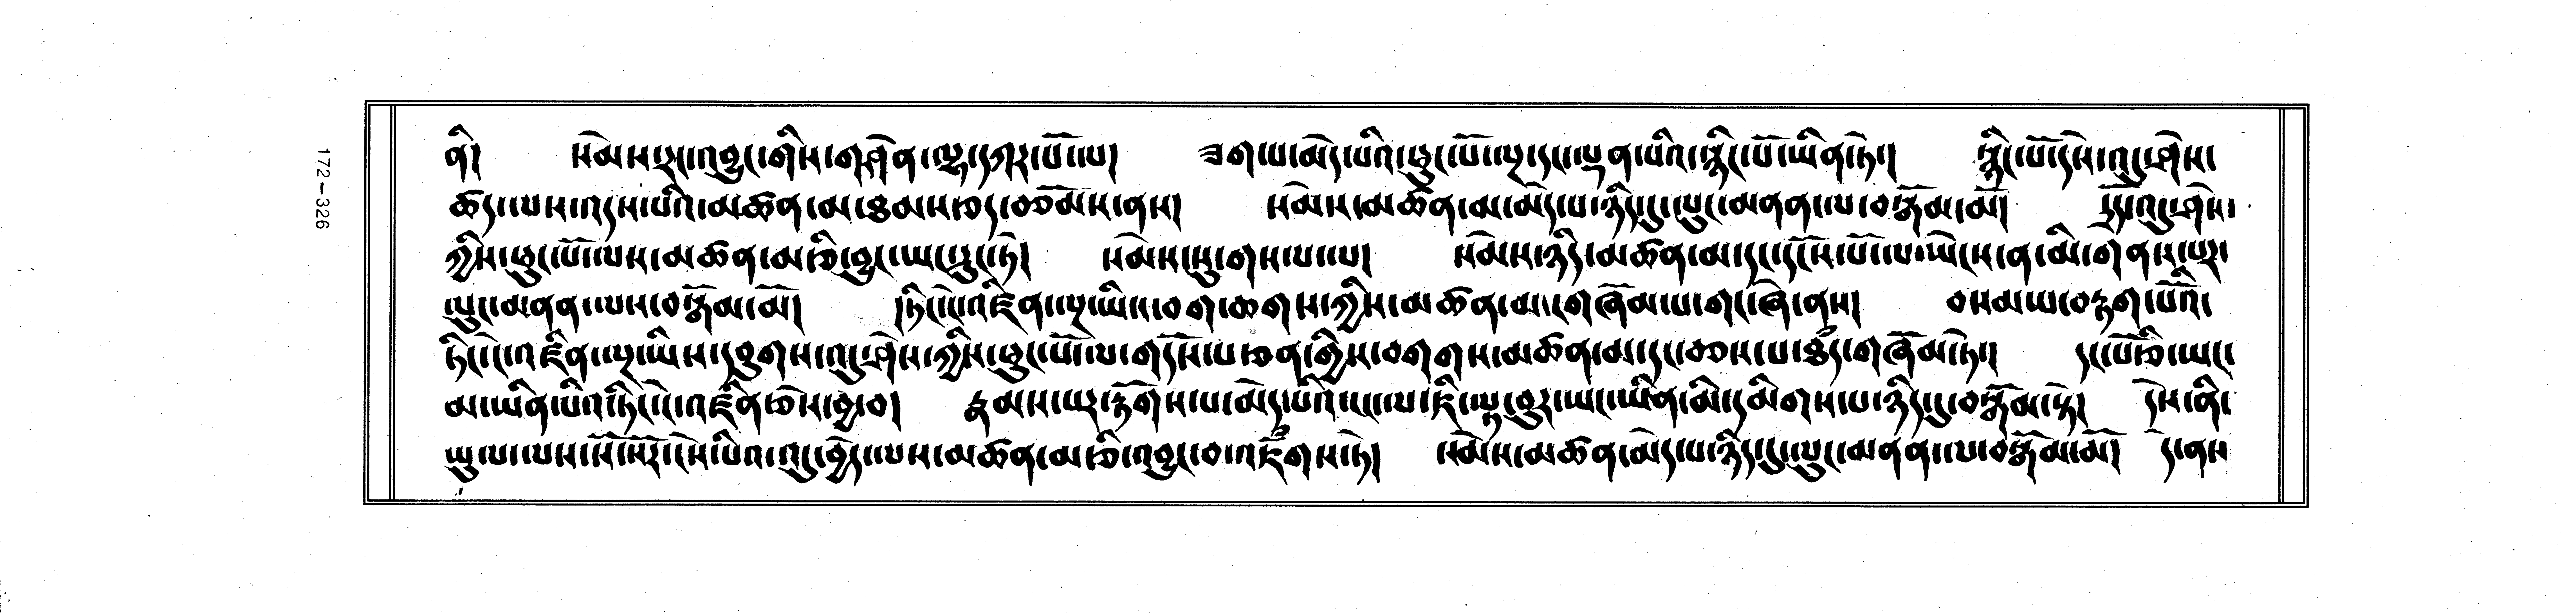ནི། སེམས་རང་འབྱུང་གིས་གཤེན་ལྷ་དཀར་པོ་ལ། ཟག་པ་མེད་པའི་ཕུང་པོ་ལྔ་དང་ལྡན་པའི་སྙིང་པོ་ཡིན་ཏེ། སྙིང་པོ་དེས་འདུ་ཤེས། 
ཚད་ལས་འདས་པའི་མཚན་མ་ཐམས་ཅད་བཅོམས་ནས། སེམས་མཚན་མ་མེད་པ་ཉིད་དུ་ལུང་མནན་ལ་བསྒོམ་མོ། དྲོད་འདུ་ཤེས་
ཀྱིས་ཕུང་པོ་ལས་མཚན་མ་ཅི་བྱུང་ཡང་རུང་ཏེ། སེམས་སུ་གསལ་ལ། སེམས་ཉིད་མཚན་མ་དང་དངོས་པོ་ལ་གཡེངས་ན་མི་གནས་པར་
ལུང་མནན་ལས་བསྒོམ་མོ། ཏིང་ངེ་འཛིན་ལྔ་ཡིས་བག་ཆགས་ཀྱིས་མཚན་མ་གཞོམ་པ་གང་ཞེ་ནས། བསམ་པ་བརྟག་པོའི་
ཏིང་ངེ་འཛིན་ལྔ་ཡིས་དབུགས་འདུ་ཤེས་ཕུང་པོ་ལ་གདོས་པ་ཅན་གྱིས་བག་ཆགས་མཚན་མ་དང་བཅས་པ་ཐམས་ཅད་གཞོམ་ཏེ། དང་པོ་ཅི་ཡང་
མ་ཡིན་པའི་ཏིང་ངེ་འཛིན་ཅེས་བྱ་བ། རྣམ་པར་རྟོགས་པ་མེད་པའི་ངང་ལ་ཇི་ལྟ་བུར་ཡང་ཡིན་མི་དམིགས་པ་ཉིད་དུ་བསྒོམ་སྟེ། དེས་ནི་
ཡུལ་ལས་སོ་སོར་ངེས་པའི་འདུ་བྱེད་ལས་མཚན་མ་ཅི་འབྱུང་བ་འཇོམས་ཏེ། སེམས་མཚན་མ་མེད་པ་ཉིད་དུ་ལུང་མནན་ལ་བསྒོམ་མོ། དེ་ནས་